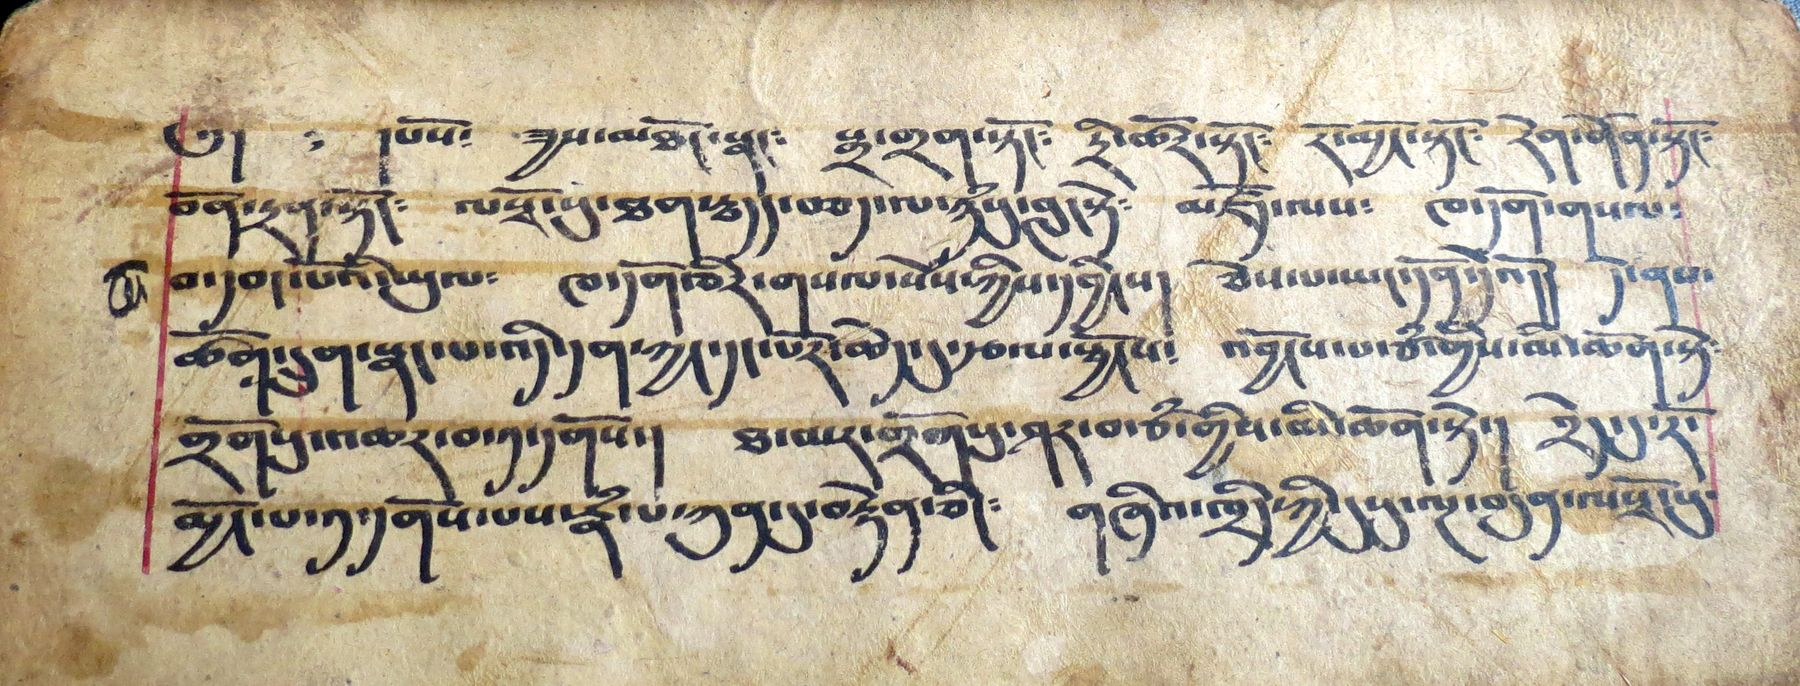པོས་གཟུགས་མཐོང་སྟོང་། སྒྲ་གྲགས་སྟོང་། དྲི་ཚོར་སྟོང་། རོ་མྱང་སྟོང་། རེག་བོན་སྟོང་། 
བོན་དྲན་སྟོང་ལ་སོགས་སུ་ཐག་རྦད་རྦད་བཅད་ལ་ཉམས་སུ་བླང་སྟེ། མཛོད་ལས། ཁ་དོག་གསལ་
བ་དབང་པོའི་ཡུལ། ཁ་དོག་ཅི་གསལ་སེམས་ཀྱི་དབྱིངས། ཅེས་པའང་དེའོ། དེས་ན་
ཚོགས་དྲུག་གི་སྣང་བ་འདི་དག་ཀྱང་། དང་པོ་ཆེད་དུ་རྩལ་སྦྱང་། འབྱོངས་པ་ཙམ་གྱིས་མི་ཆོག་སྟེ། 
གྲོགས་སུ་འཆར་བ་ཞིག་དགོས། ཐ་མར་གྲོགས་སུ་ཤར་བ་ཙམ་གྱིས་མི་ཆོག་སྟེ་གཉིས་མེད་དུ་རོ་
མྱོང་བ་ཞིག་དགོས་པས། དུས་རྣམ་པ་ཀུན་ཏུ་བརྟེན་ཅིང་གཞི་ཁྲིད་ཀྱི་དུས་སུ་ལྔ་བདུན་ལ་སོགས་སུ་